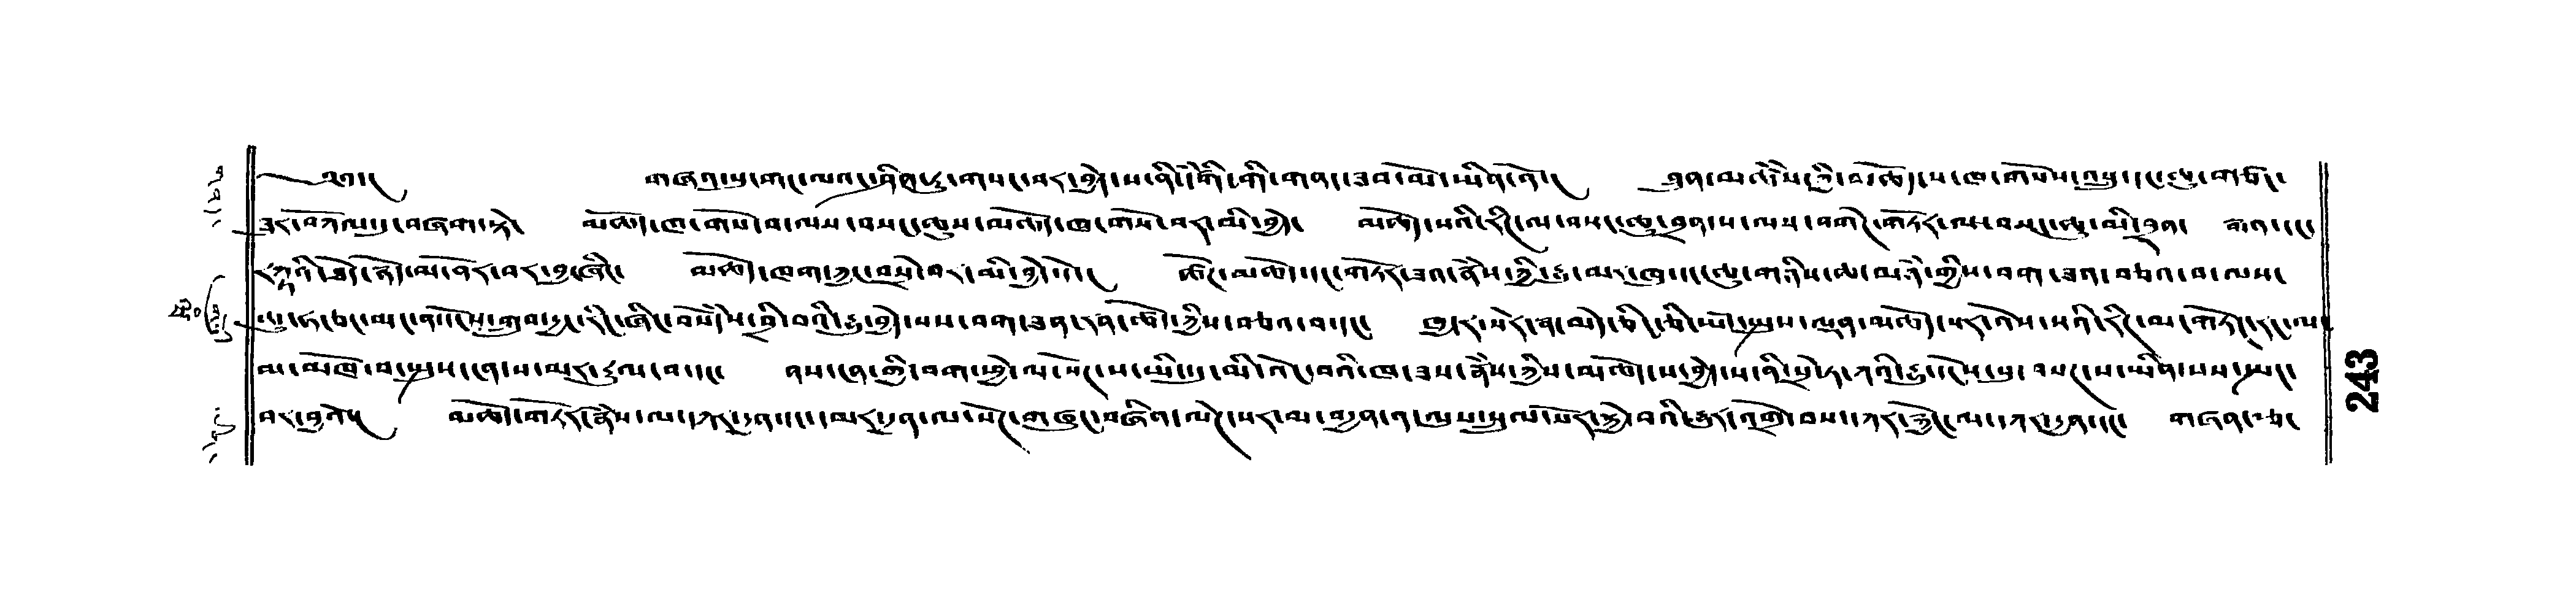གཞན་སུ་གང་ལའང་ཤིན་ཏུ་གསང་བར་བྱེད་པ་ནི་དམ་ཚིག་གི་གནད་ཟབ་མོ་ཡིན་ནོ། ཐུན་མཚམས་ཀྱི་མཆོད་པ་ཁ་གསོས་འབྲུ་དང་ཆུ་གཙང་
ཟུར་བཀོལ་དུ་བཞག་སྟེ། མཆོད་ཁ་གསོ་བ་ལས་བསང་ཆུས་མཆོད་ཁ་གསོ་བར་མི་བྱེད། མཆོད་པའི་རིགས་ལ་བསང་ཆུ་བྲན་པ་ལས་བགེགས་གཏོར་ལ་བསང་ཆུ་མི་བྲན། སྨན་དང་
རཀྟའི་ཐོད་སྣོད་མ་ནོར་བར་བྱ་ཞིང་། མཆོད་ཁག་ཀྱང་བསྲེ་བར་མི་བྱེད་དོ། ཚོགས་མཆོད་དང་གཏོར་ཟན་རྣམས་ཀྱི་རྒྱུ་མར་ཁུ་དང་ཆུ་གཉིས་ཆ་མཉམ་གྱིས་བག་ཟན་བཅའ་བ་ལས་
ཆུ་ཧ་ཅང་མང་ན་དངོས་གྲུབ་རྒྱང་རིང་ཞིང་བསོད་ནམས་བྲི་བའི་རྒྱུ་བྱེད་པས་བག་ཟན་རན་ཚོད་ཀྱིས་བཅའ་བ་དང་། ཁྱད་པར་སེར་སྣ་མེད་ཅིང་ཅི་ཡོད་སྤུས་ལྡན་མཆོད་པར་འོས་པའི་རིགས་མ་གཏོགས་རང་ལ་
མ་མཁོ་བ་སྤུས་ངན་པ་མར་རུལ་བ་དང་། ནས་ངན་གྱི་བག་ཕྱེ་ལ་སོགས་པ་ཡིད་དུ་མི་འོང་བའི་ཁ་ཟས་རྣམས་ཀྱིས་མཆོད་པ་བྱེད་པ་ནི་པྲེ་ཏ་ཀའི་རྒྱུ་དངོས་སུ་བསགས་པ་ཡིན་པས་སྤང་
བར་བྱའོ། མཆོད་གཏོར་རྣམས་ལ་དཀར་རྒྱན་དང་དམར་རྒྱན་ལ་སོགས་གཞུང་བཞིན་ལེགས་པར་མ་བརྒྱན་ན་ལུས་སྲུལ་པོར་སྐྱེ་བའི་རྒྱུར་འགྲོ་བས་དཀར་སྐྱོང་ལ་དཀར་རྒྱན་དང་།གཞན་རྩ་